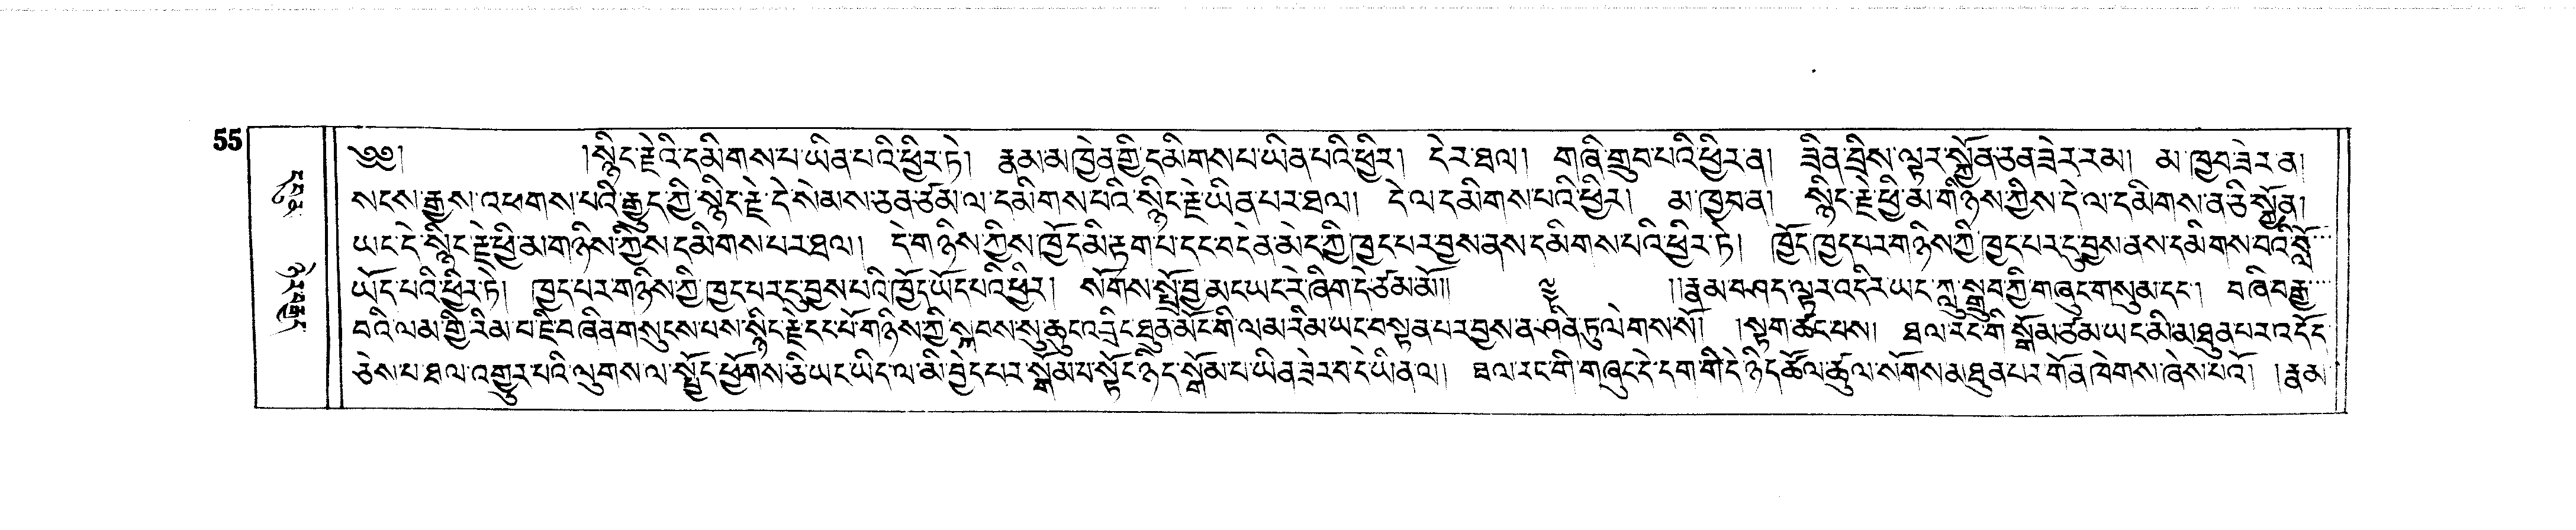༄༅། །སྙིང་རྗེའི་དམིགས་པ་ཡིན་པའི་ཕྱིར་ཏེ། རྣམ་མཁྱེན་གྱི་དམིགས་པ་ཡིན་པའི་ཕྱིར། དེར་ཐལ། གཞི་གྲུབ་པའི་ཕྱིར་ན། ཟིན་བྲིས་ལྟར་སྐྱོན་ཅན་ཟེར་རམ། མ་ཁྱབ་ཟེར་ན།
སངས་རྒྱས་འཕགས་པའི་རྒྱུད་ཀྱི་སྙིང་རྗེ་དེ་སེམས་ཅན་ཙམ་ལ་དམིགས་པའི་སྙིང་རྗེ་ཡིན་པར་ཐལ། དེ་ལ་དམིགས་པའི་ཕྱིར། མ་ཁྱབ་ན། སྙིང་རྗེ་ཕྱི་མ་གཉིས་ཀྱིས་དེ་ལ་དམིགས་ན་ཅི་སྐྱོན།
ཡང་དེ་སྙིང་རྗེ་ཕྱི་མ་གཉིས་ཀྱིས་དམིགས་པར་ཐལ། དེ་གཉིས་ཀྱིས་ཁྱོད་མི་རྟག་པ་དང་བདེན་མེད་ཀྱི་ཁྱད་པར་བྱས་ནས་དམིགས་པའི་ཕྱིར་ཏེ། ཁྱོད་ཁྱད་པར་གཉིས་ཀྱི་ཁྱད་པར་དུ་བྱས་ནས་དམིགས་པའི་བློ་
ཡོད་པའི་ཕྱིར་ཏེ། ཁྱད་པར་གཉིས་ཀྱི་ཁྱད་པར་དུ་བྱས་པའི་ཁྱོད་ཡོད་པའི་ཕྱིར། སོགས་སྤྲོ་བྱ་མང་ཡང་རེ་ཞིག་དེ་ཙམ་མོ།། ༈ །།རྣམ་བཤད་ལྟར་འདིར་ཡང་ཀླུ་སྒྲུབ་ཀྱི་གཞུང་གསུམ་དང་། བཞི་བརྒྱ་
བའི་ལམ་གྱི་རིམ་པ་ཇི་བཞིན་གསུངས་པས་སྙིང་རྗེ་དང་པོ་གཉིས་ཀྱི་སྐབས་སུ་ཆུང་འབྲིང་ཐུན་མོང་གི་ལམ་རིམ་ཡང་བསྟན་པར་བྱས་ན་ཤིན་ཏུ་ལེགས་སོ། །སྟག་ཚང་པས། ཐལ་རང་གི་སྒོམ་ཙམ་ཡང་མི་མཐུན་པར་འདོད་
ཅེས་པ་ཐལ་འགྱུར་པའི་ལུགས་ལ་སྤྱོད་ཕྱོགས་ཅི་ཡང་ཡིད་ལ་མི་བྱེད་པར་སྒོམ་པ་སྟོང་ཉིད་སྒོམ་པ་ཡིན་ཟེར་བ་དེ་ཡིན་ལ། ཐལ་རང་གི་གཞུང་དེ་དག་གི་དེ་ཉིད་ཚོལ་ཚུལ་སོགས་མཐུན་པར་གོ་ན་ཁེགས་ཞེས་པའོ། །རྣམ་